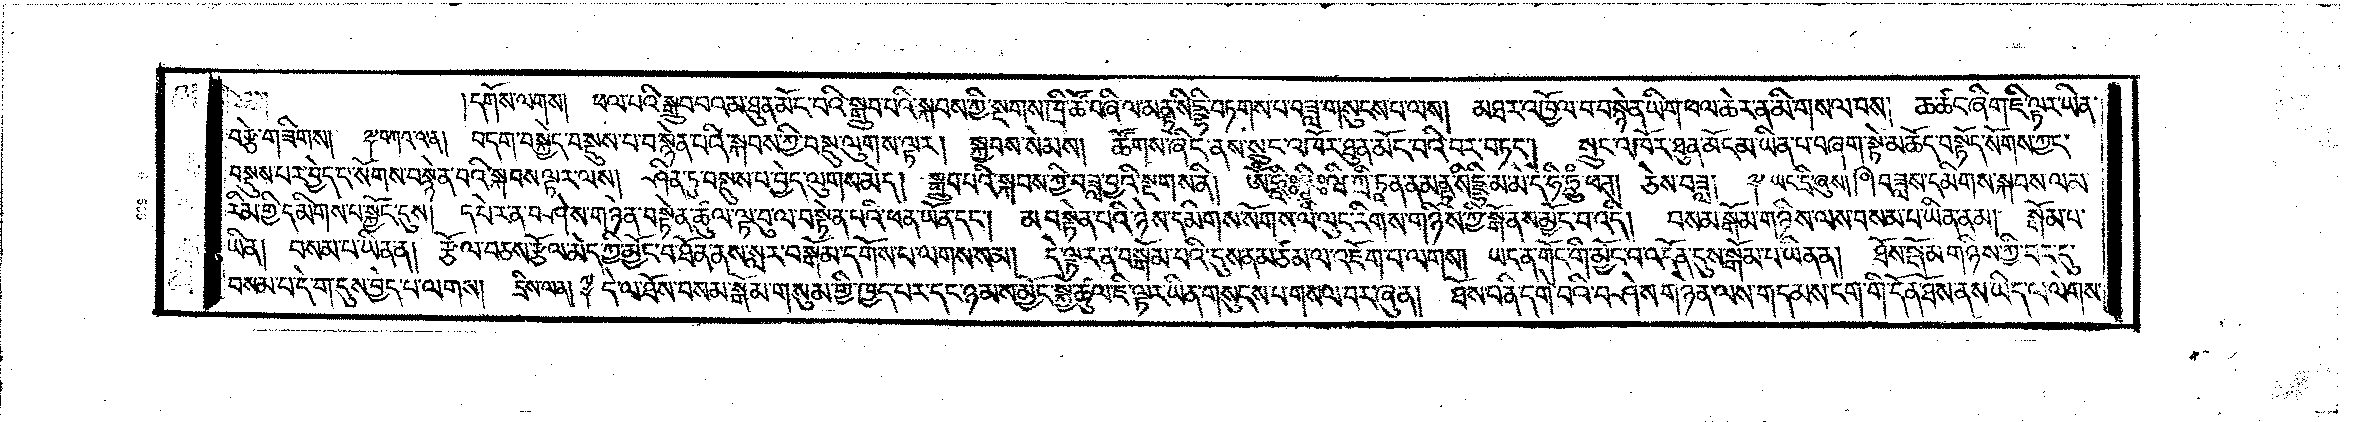༄༅། །དགོས་ལགས། ཕལ་པའི་སྒྲུབ་བའམ་ཐུན་མོང་བའི་སྒྲུབ་པའི་སྐབས་ཀྱི་སྔགས་ཁྲི་ཚོ་བཞི་ལ་མནྟྲ་སིདྡྷི་བཏགས་པ་བཟླ་གསུངས་པ་ལས། མཐར་འཁྱོལ་བ་བསྙེན་ཡིག་ཕལ་ཆེར་ན་མི་གསལ་བས། ཆ་ཚང་ཞིག་ཇི་ལྟར་ཡིན་
ཕ༹བརྩེ་གཟིགས། ༈ བཀའ་ལན།  བདག་བསྐྱེད་བསྡུས་པ་བསྙེན་པའི་སྐབས་ཀྱི་བསྡུ་ལུགས་ལྟར། སྐྱབས་སེམས། ཚོགས་ཞིང་ནས་སྲུང་འཁོར་ཐུན་མོང་བའི་བར་བཏང་། སྲུང་འཁོར་ཐུན་མོང་མ་ཡིན་པ་བཞག་སྟེ་མཆོད་བསྟོད་སོགས་ཀྱང་
བསྡུས་པར་བྱེད་པ་སོགས་བསྙེན་པའི་སྐབས་ལྟར་ལས། ཤིན་ཏུ་བསྡུས་པ་བྱེད་ལུགས་མེད། སྒྲུབ་པའི་སྐབས་ཀྱི་བཟླ་བྱའི་སྔགས་ནི། ཨོཾ་ཧྲཱིཿཥྚྲཱིཿཝི་ཀྲི་ཏཱ་ན་ན་མནྟྲ་སིདྡྷི་མ་མེ་དེ་ཧི་ཧཱུཾ་ཕཊ། ཅེས་བཟླ། ༈ ཡང་དྲི་ཞུས།  ༼྾༽ བཟླས་དམིགས་སྐབས་ལམ་
རིམ་གྱི་དམིགས་པ་སྐྱོང་དུས། དཔེར་ན་བཤེས་གཉེན་བསྟེན་ཚུལ་ལྟ་བུ་ལ་བསྟེན་པའི་ཕན་ཡོན་དང་། མ་བསྟེན་པའི་ཉེས་དམིགས་སོགས་ལ་ལུང་རིགས་གཉིས་ཀྱི་སྒོ་ནས་མྱོང་བ་འདི། བསམ་སྒོམ་གཉིས་ལས་བསམ་པ་ཡིན་ནམ། སྒོམ་པ་
ཡིན། བསམ་པ་ཡིན་ན། རྩོལ་བཅས་རྩོལ་མེད་ཀྱི་མྱོང་བ་ཐོན་ནས་སླར་བསྒོམ་དགོས་པ་ལགས་སམ། དེ་ལྟར་ན་བསྒོམ་པའི་དུས་ནམ་ཙམ་ལ་འཇོག་པ་ལགས། ཡང་ན་གོང་གི་མྱོང་བ་འདོན་དུས་སྒོམ་པ་ཡིན་ན། ཐོས་སྒོམ་གཉིས་ཀྱི་བང་དུ་
ཕ༹བསམ་པ་དེ་གདུས་བྱེད་པ་ལགས། དྲིས་ལན།  ༈ དེ་ལ་ཐོས་བསམ་སྒོམ་གསུམ་གྱི་ཁྱད་པར་དང་ཉམས་མྱོང་སྐྱེ་ཚུལ་ཇི་ལྟར་ཡིན་གསུངས་པ་གསལ་བར་ཞུ་ན། ཐོས་པ་ནི་དགེ་བའི་བཤེས་གཉེན་ལས་གདམས་ངག་གི་དོན་ཐོས་ནས་ཡིད་ལ་ལེགས་
ཕ༹་